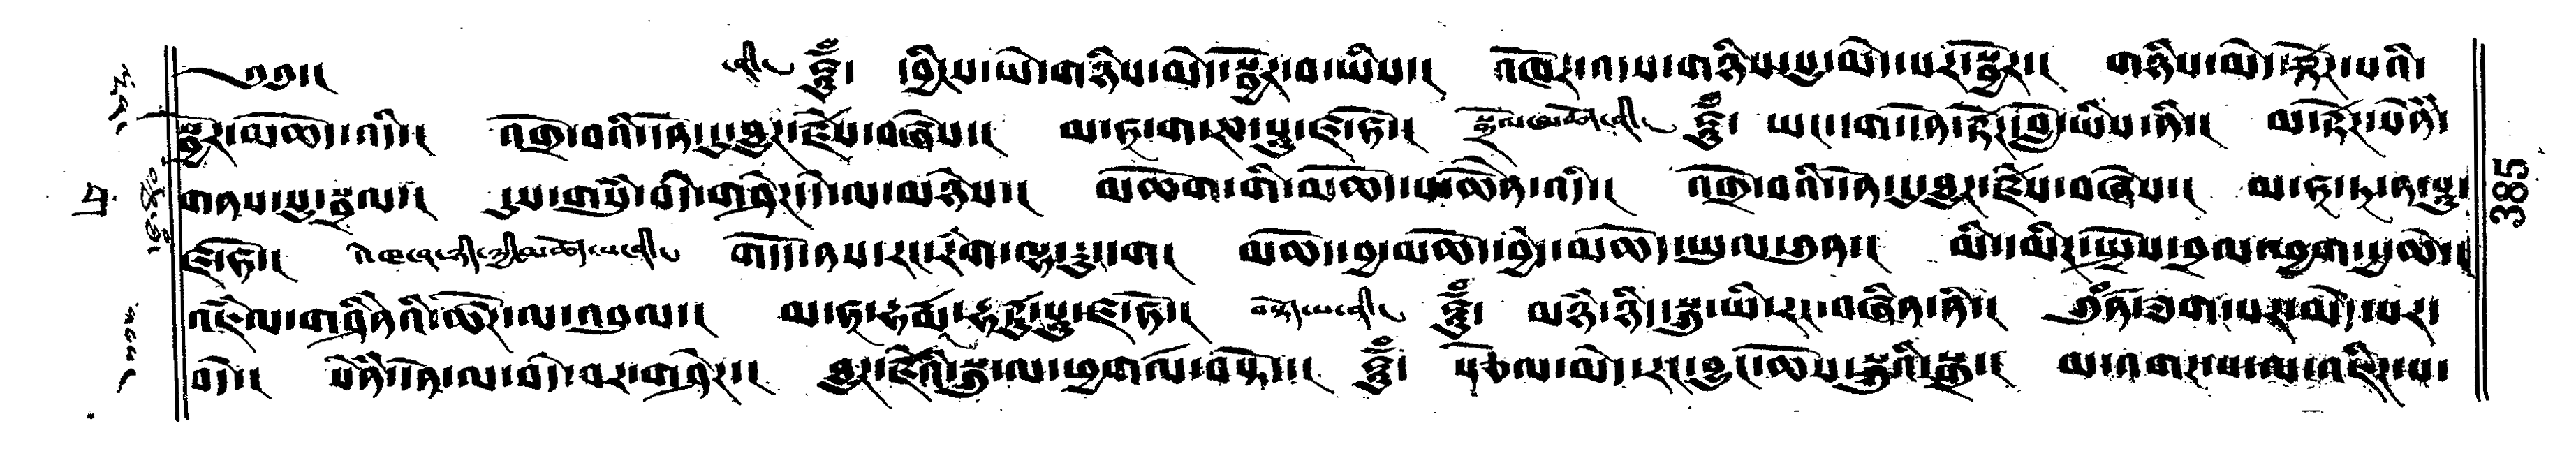བའི་མཆོད་པ་ནི། ཧཱུྃ། དབྱིངས་ཡེ་གཉིས་མེད་སྦྱོར་བ་ཡིས། །འཁོར་འདས་གཉིས་སུ་མེད་པར་སྦྱོར། །གཉིས་མེད་རྟོགས་པའི་
སྦྱོར་མཆོད་འདི། །འགྲོ་བའི་དོན་དུ་ཐུགས་རྗེས་བཞེས། མ་ཧཱ་ག་ཎ་པཱུ་ཛ་ཧོ། སྒྲོལ་མཆོད་ནི། ཧཱུྃ། ཡང་དག་དོན་རྟོགས་བློ་ཡིས་ནི། །མ་རྟོགས་སེམས་ཅན་
གནས་སུ་སྒྲལ། །དུས་གསུམ་བདེ་གཤེགས་དེ་ལ་མཉེས། །མཆོག་གི་མཆོད་པ་ཆེན་པོ་འདི། །འགྲོ་བའི་དོན་དུ་ཐུགས་རྗེས་བཞེས། མ་ཧཱ་ཏཱ་ན་པཱུ་
ཛ་ཧོ། དེ་ཁོ་ན་ཉིད་ཀྱི་མཆོད་པ་ནི། གདོད་ནས་རང་རིག་ལྷ་རུ་དག །མཆོད་བྱ་མཆོད་བྱེད་མཆོད་ཡུུལ་ཀུན། །མི་དམིགས་སྤྲོས་བྲལ་ཕྱག་རྒྱ་ཆེ། །
འཇམ་དཔལ་གཤིན་རྗེའི་ཚོགས་ལ་འབུལ། མ་ཧཱ་དྷརྨ་དྷརྟུ་པཱུ་ཛ་ཧོ། བསྟོད་པ་ནི། ཧཱུྃ། མཉམ་ཉིད་སྐུ་ཡི་རང་བཞིན་ནི། །ཀུན་བཟང་ཟག་པར་མེད་པར་
བདེ། །སེམས་ཅན་དོན་ལ་བདེ་བར་གཤེགས། །ཐུགས་རྗེའི་སྐུ་ལ་ཕྱག་འཚལ་བསྟོད། ཧཱུྃ། རྩོལ་མེད་རང་བྱུང་ཆོས་སྐུའི་སྒྲ། །མ་འགགས་པ་ལ་འཇིགས་པ་